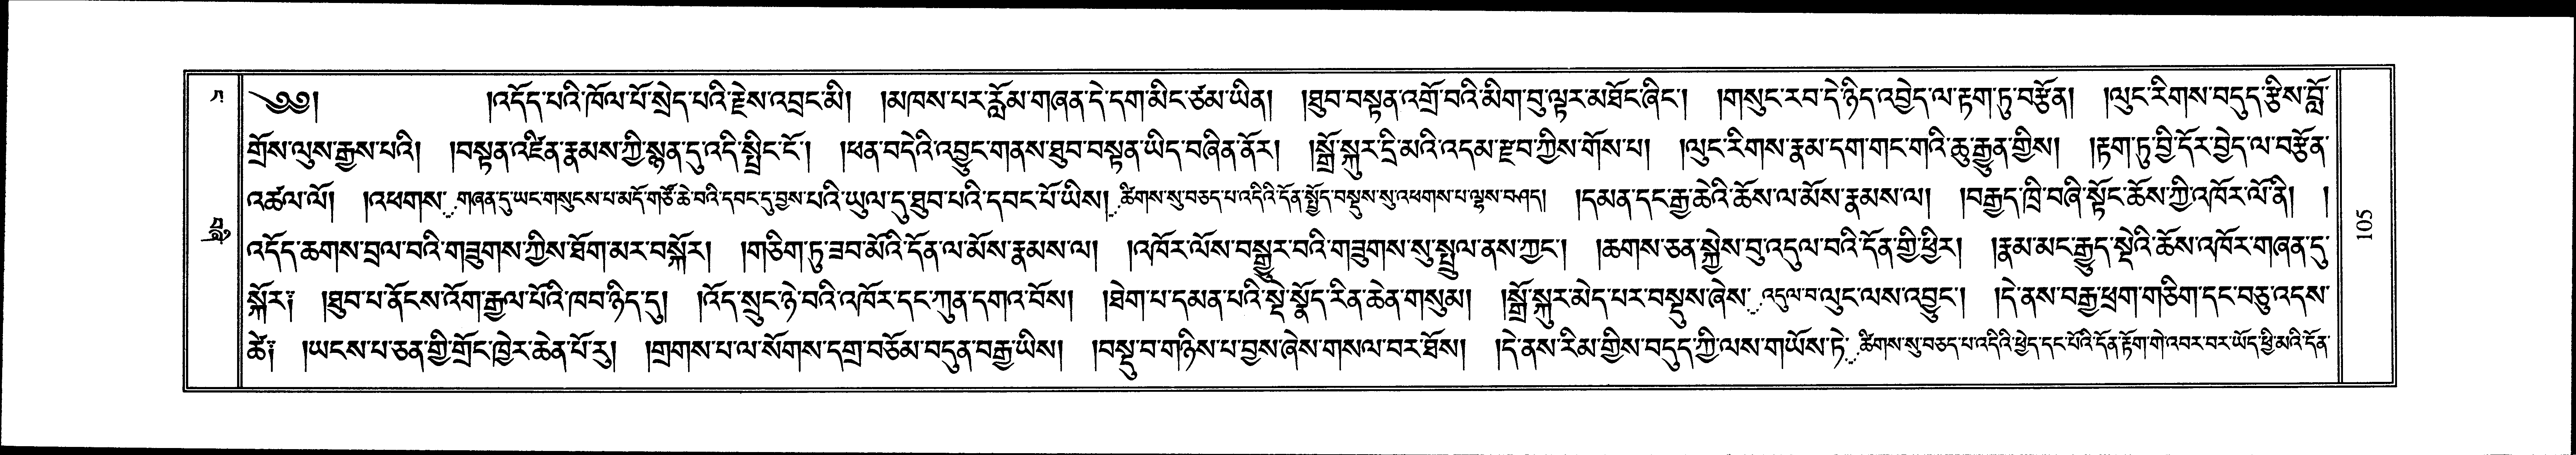༄༅། །འདོད་པའི་ཁོལ་པོ་སྲེད་པའི་རྗེས་འབྲང་མི། །མཁས་པར་རློམ་གཞན་དེ་དག་མིང་ཙམ་ཡིན། །ཐུབ་བསྟན་འགྲོ་བའི་མིག་བུ་ལྟར་མཐོང་ཞིང་། །གསུང་རབ་དེ་ཉིད་འབྱེད་ལ་རྟག་ཏུ་བརྩོན། །ལུང་རིགས་བདུད་རྩིས་བློ་
གྲོས་ལུས་རྒྱས་པའི། །བསྟན་འཛིན་རྣམས་ཀྱི་སྙན་དུ་འདི་སྤྲིང་ངོ། །ཕན་བདེའི་འབྱུང་གནས་ཐུབ་བསྟན་ཡིད་བཞིན་ནོར། །སྒྲོ་སྐུར་དྲི་མའི་འདམ་རྫབ་ཀྱིས་གོས་པ། །ལུང་རིགས་རྣམ་དག་གང་གའི་ཆུ་རྒྱུན་གྱིས། །རྟག་ཏུ་བྱི་དོར་བྱེད་ལ་བརྩོན་
འཚལ་ལོ། །འཕགས་གཞན་དུ་ཡང་གསུངས་པ་མདོ་གཙོ་ཆེ་བའི་དབང་དུ་བྱས་པའི་ཡུལ་དུ་ཐུབ་པའི་དབང་པོ་ཡིས། ཚིགས་སུ་བཅད་པ་འདིའི་དོན་སྤྱོད་བསྡུས་སུ་འཕགས་པ་ལྷས་བཤད། །དམན་དང་རྒྱ་ཆེའི་ཆོས་ལ་མོས་རྣམས་ལ། །བརྒྱད་ཁྲི་བཞི་སྟོང་ཆོས་ཀྱི་འཁོར་ལོ་ནི། །
འདོད་ཆགས་བྲལ་བའི་གཟུགས་ཀྱིས་ཐོག་མར་བསྐོར། །གཅིག་ཏུ་ཟབ་མོའི་དོན་ལ་མོས་རྣམས་ལ། །འཁོར་ལོས་བསྒྱུར་བའི་གཟུགས་སུ་སྤྲུལ་ནས་ཀྱང་། །ཆགས་ཅན་སྐྱེས་བུ་འདུལ་བའི་དོན་གྱི་ཕྱིར། །རྣམ་མང་རྒྱུད་སྡེའི་ཆོས་འཁོར་གཞན་དུ་
སྐོར། །ཐུབ་པ་ནོངས་འོག་རྒྱལ་པོའི་ཁབ་ཉིད་དུ། །འོད་སྲུང་ཉེ་བའི་འཁོར་དང་ཀུན་དགའ་བོས། །ཐེག་པ་དམན་པའི་སྡེ་སྣོད་རིན་ཆེན་གསུམ། །སྒྲོ་སྐུར་མེད་པར་བསྡུས་ཞེས་འདུལ་བ་ལུང་ལས་འབྱུང་། །དེ་ནས་བརྒྱ་ཕྲག་གཅིག་དང་བཅུ་འདས་
ཚེ། །ཡངས་པ་ཅན་གྱི་གྲོང་ཁྱེར་ཆེན་པོ་རུ། །གྲགས་པ་ལ་སོགས་དགྲ་བཅོམ་བདུན་བརྒྱ་ཡིས། །བསྡུ་བ་གཉིས་པ་བྱས་ཞེས་གསལ་བར་ཐོས། །དེ་ནས་རིམ་གྱིས་བདུད་ཀྱི་ལས་གཡོས་ཏེ་ཚིགས་སུ་བཅད་པ་འདིའི་ཕྱེད་དང་པོའི་དོན་རྟོག་གེ་འབར་བར་ཡོད་ཕྱི་མའི་དོན་